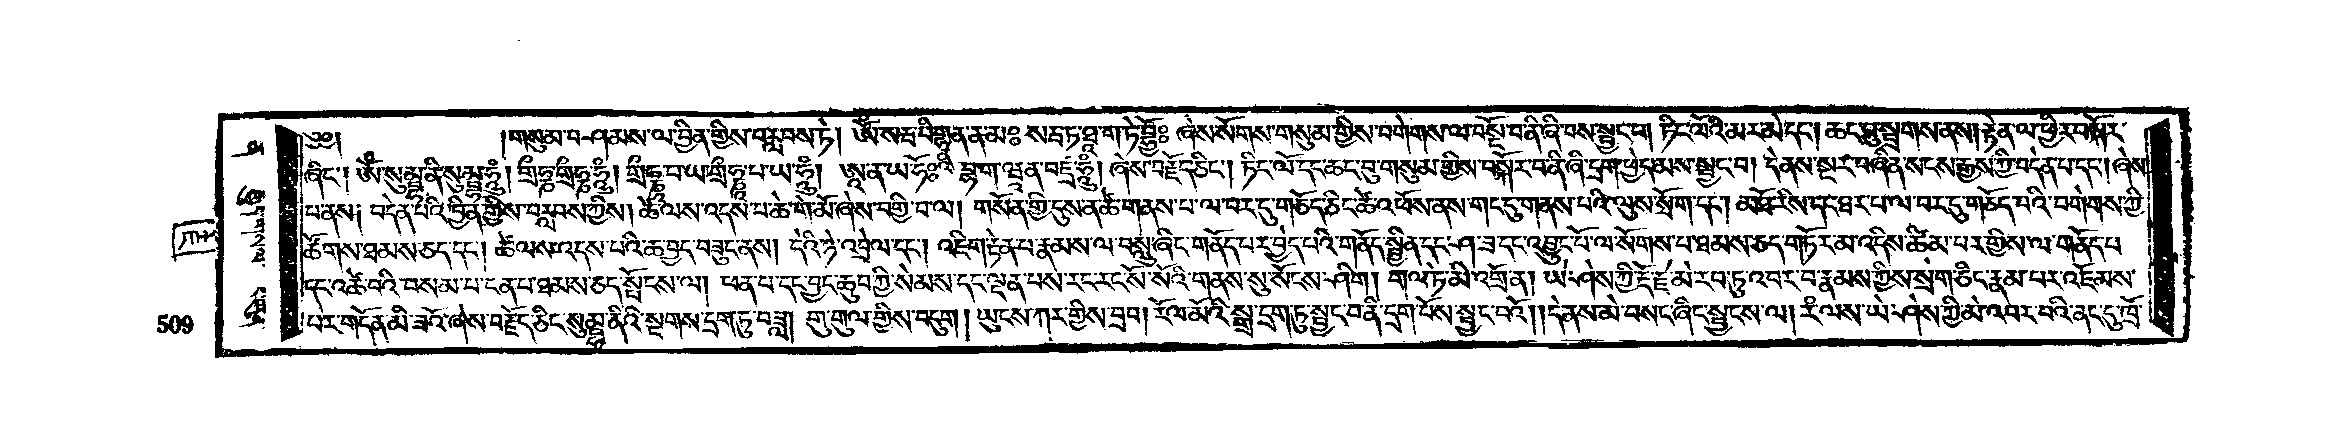༄༅། །གསུམ་བཤམས་ལ་བྱིན་གྱིས་བརླབས་ཏེ། ཨོཾ་སརྦ་བིགྷན་ན་མཿ སརྦ་ཏ་ཐཱ་ག་ཏེ་བྷྱོཿ ཞེས་སོགས་གསུམ་གྱིས་བགེགས་ལ་བསྔོ་བ་ནི་ཞི་བས་སྦྱང་བ། ཏིང་ལོའི་མར་མེ་དང་། ཆང་བུ་སྦྲགས་ནས། རྟེན་ལ་ཕྱིར་བསྐོར་
ཞིང་། ཨོཾ་སུམྦྷ་ནི་སུམྦྷ་ཧཱུཾ། གྲྀ་ཧྞ་གྲྀ་ཧྞ་ཧཱུཾ། གྲི་ཧྞ་པ་ཡ་གྲྀ་ཧྞཱ་པ་ཡ་ཧཱུཾ། ཨཱ་ན་ཡ་ཧོཿའི་བྷ་ག་ཝཱ་ན་བཛྲ་ཧཱུཾ། ཞེས་བརྗོད་ཅིང་། ཏིང་ལོ་དང་ཆང་བུ་གསུམ་གྱིས་བསྐོར་བ་ནི་ཞི་དྲག་ཕྱེད་མས་སྦྱང་བ། དེ་ནས་སྔར་བཞིན་སངས་རྒྱས་ཀྱི་བདེན་པ་དང་། ཞེས་
པ་ནས། བདེན་པའི་བྱིན་གྱིས་བརླབས་ཀྱིས། ཚེ་ལས་འདས་པ་ཆེ་གེ་མོ་ཞེས་བགྱི་བ་ལ། གསོན་གྱི་དུས་ན་ཚེ་གནས་པ་ལ་བར་དུ་གཅོད་ཅིང་ཚེ་འཕོས་ནས་གང་དུ་གནས་པའི་ལུས་སྲོག་དང་། མཐོ་རིས་དང་ཐར་པ་ལ་བར་དུ་གཅོད་པའི་བགེགས་ཀྱི་
ཚེགས་ཐམས་ཅད་དང་། ཚེ་ལས་འདས་པའི་ཆ་བྱད་བཟུང་ནས། དེའི་ཉེ་འབྲེལ་དང་། འཇིག་རྟེན་པ་རྣམས་ལ་བསླུ་ཞིང་གནོད་པར་བྱེད་པའི་གནོད་སྦྱིན་དང་ཤ་ཟ་དང་འབྱུང་པོ་ལ་སོགས་པ་ཐམས་ཅད་གཏོར་མ་འདིས་ཚིམ་པར་གྱིས་ལ་གནོད་པ་
དང་འཚེ་བའི་བསམ་པ་ངན་པ་ཐམས་ཅད་སྤོངས་ལ། ཕན་པ་དང་བྱང་ཆུབ་ཀྱི་སེམས་དང་ལྡན་པས་རང་རང་སོ་སོའི་གནས་སུ་སོངས་ཤིག །གལ་ཏེ་མི་འགྲོ་ན། ཡེ་ཤེས་ཀྱི་རྡོ་རྗེ་མེ་རབ་ཏུ་འབར་བ་རྣམས་ཀྱིས་སྲེག་ཅིང་རྣམ་པར་འཇོམས་
པར་གདོན་མི་ཟའོ་ཞེས་བརྗོད་ཅིང་སུམྦྷ་ནིའི་སྔགས་དྲག་ཏུ་བཟླ། གུ་གུལ་གྱིས་བདུག །ཡུངས་ཀར་གྱིས་བྲབ། རོལ་མོའི་སྒྲ་དྲག་ཏུ་སྦྱང་བ་ནི་དྲག་པོས་སྦྱང་བའོ། །དེ་ནས་མེ་བསང་ཞིང་སྦྱངས་ལ། རཾ་ལས་ཡེ་ཤེས་ཀྱི་མེ་འབར་བའི་ནང་དུ་ཁྲོ་